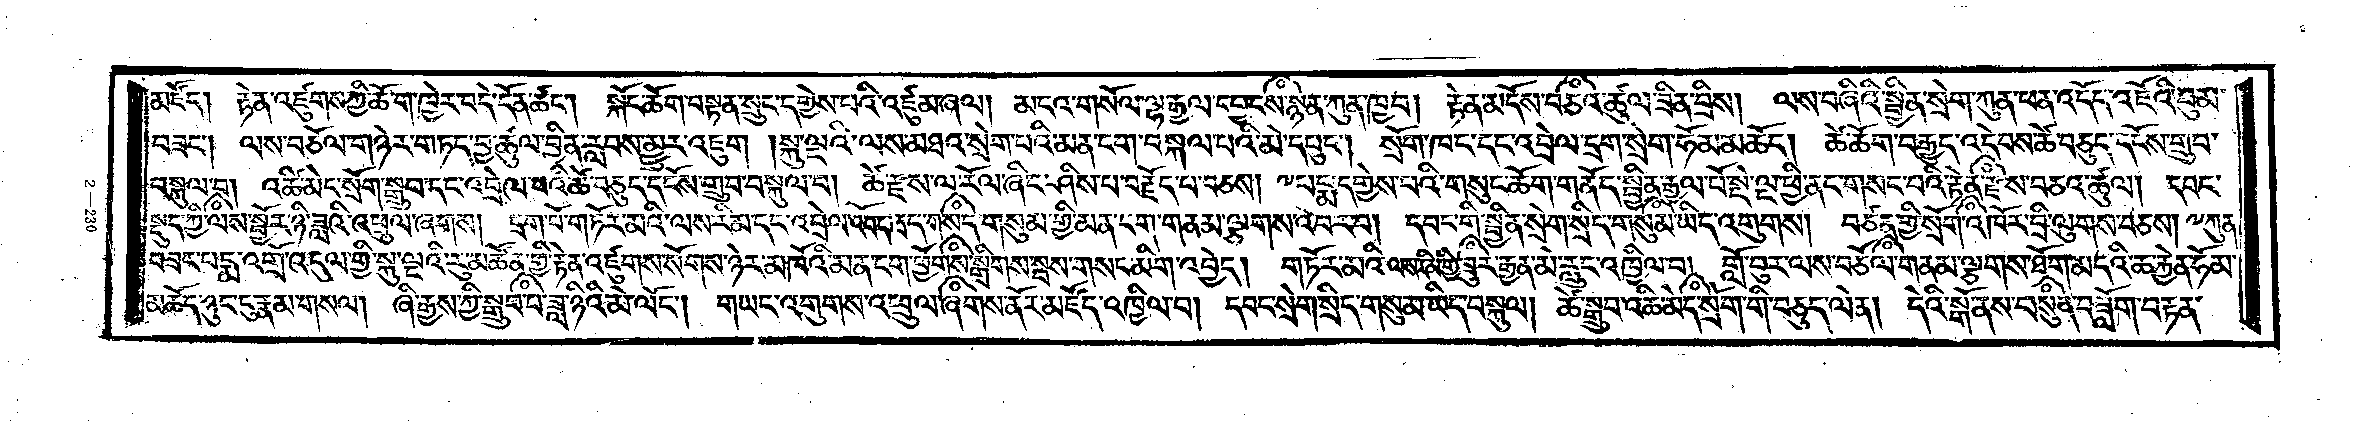མཛོད། རྟེན་འཛུགས་ཀྱི་ཆོ་ག་ཁྱེར་བདེ་དོན་ཚང་། སྐོང་ཆོག་བསྟན་སྲུང་དགྱེས་པའི་འཛུམ་ཞལ། མངའ་གསོལ་ལྷ་རྒྱལ་དབྱངས་སྙན་ཀུན་ཁྱབ། རྟེན་མདོས་བཅའ་ཚུལ་ཟིན་བྲིས། ལས་བཞིའི་སྦྱིན་སྲེག་ཀུན་ཕན་འདོད་འཇོའི་བུམ་
བཟང་། ལས་བཅོལ་གཉེར་གཏང་བྱ་ཚུལ་བྱིན་རླབས་མྱུར་འཇུག །སྐུ་ལྔའི་ལས་མཐའ་སྲེག་པའི་མན་ངག་བསྐལ་པའི་མེ་དབུང་། སྲོག་ཁག་དན་འབྲེལ་དག་སྲེག་ཧོམ་མཆོད། ཚེ་ཆོག་བརྒྱུད་འདེབས་ཏེ་བཅུད་དངོས་གྲུབ་
བསྐུལ་བ། འཚི་མེད་སྲོག་སྒྲུབ་དང་འབྲེལ་བའི་ཚེ་བཅུད་དངོས་སྒྲུབ་བསྐུལ་པ། ཚེ་རྫས་ལ་རོལ་ཞིང་ཤིས་པ་བརྗོད་པ་བཅས། ༧་པདམ་དགྱེས་པའི་གསུང་ཆོག་གནོད་སྦྱན་རྒྱལ་པོ་སྡེ་ལྔ་ཕྱི་ནང་གསན་བའི་རྟེན་རྫས་བཅའ་ཚུལ། དབང་
སྡུད་ཀྱི་ལས་སྦྱོར་ཉི་ཟླའི་འཕྲུལ་ཞགས། དྲག་པོ་གཏོར་མའི་ལས་རིམ་དང་འབྲེལ་འབོད་དྲག་གསད་གསུམ་གྱི་མན་དག་ནམ་ལྕགས་འབར། དབང་གི་སྦྱིན་སྲེག་སྲིད་གསུམ་ཡིད་འགུགས། བཙན་གྱི་སྲོག་འཁོར་བྲི་ལུགས་བཅས། ༧ཀུན་
བཟང་པདམ་འགྲོ་འདུལ་གྱི་སྐུ་ལྔའི་རུ་མཚོན་གྱི་རྟེན་འཛུགས་སོག་སྙེར་མཁོའི་མན་དག་ཕྱོགས་སྒྲིགས་སྤས་གསང་མིག་འབྱེད། གཏོར་མའི་ལས་རིམ་གྱི་ཟུར་རྒྱན་མེ་རླུང་འཁྲིལ་བ། བློ་བུར་ལས་བཅོལ་གནམ་ལྕགས་ཐོག་མདའི་ཆ་རྐྱེན་ཧོམ་
མཆོད་ཉུང་དུ་རྣམ་གསལ། ཞི་རྒྱས་ཀྱི་སྒྲུབ་བ་ཟླ་ཉིའི་མེ་ལོང་། གཡང་འགུགས་འཕྲུལ་ཞགས་ནོར་མཛོད་འཁྱིལ་པ། དབང་སྲེག་སྲིད་གསུམ་ཡིད་བསྐུལ། ཚེ་སྒྲུབ་འཆི་མེད་སྲོག་གི་བཅུད་ལེན། དེའི་སྒོ་ནས་བསུན་བཟློག་བརྟན་